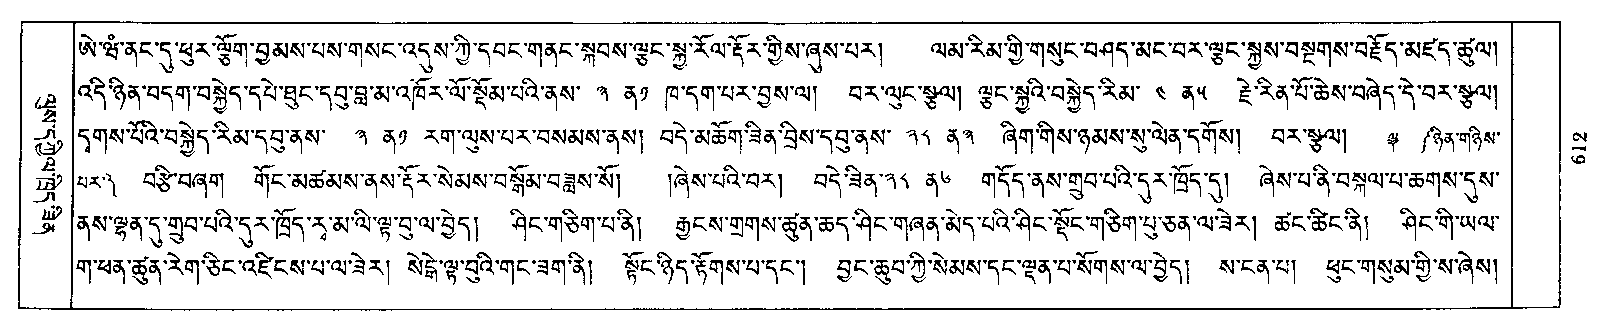ཨེ་ཝཾ་ནང་དུ་ཕུར་ལྕོག་བྱམས་པས་གསང་འདུས་ཀྱི་དབང་གནང་སྐབས་ལྕང་སྐྱ་རོལ་རྡོར་གྱིས་ཞུས་པར། ལམ་རིམ་གྱི་གསུང་བཤད་མང་བར་ལྕང་སྐྱས་བསྔགས་བརྗོད་མཛད་ཚུལ།
འདི་ཉིན་བདག་བསྐྱེད་དཔེ་ཐུང་དབུ་བླ་མ་འཁོར་ལོ་སྡོམ་པའི་ནས། ༣་ན ༡་ཁ་དག་པར་བྱས་ལ། བར་ལུང་སྩལ། ལྕང་སྐྱའི་བསྐྱེད་རིམ ༤་ན ༥་རྗེ་རིན་པོ་ཆེས་བཞེད་དེ་བར་སྩལ།
དྭགས་པོའི་བསྐྱེད་རིམ་དབུ་ནས། ༣་ན ༡་རག་ལུས་པར་བསམས་ནས་བདེ་མཆོག་ཟིན་བྲིས་དབུ་ནས ༢༨་ན ༣་ཞིག་གིས་ཉམས་སུ་ལེན་དགོས། བར་སྩལ། ༈ ?ཉིན་གཉིས་
པར་བརྩི་བཞག་གོང་མཚམས་ནས་རྡོར་སེམས་བསྒོམ་བཟླས་སོ། །ཞེས་པའི་བར། བདེ་ཟིན ༢༨་ན ༦་གདོད་ནས་གྲུབ་པའི་དུར་ཁྲོད་དུ། ཞེས་པ་ནི་བསྐལ་པ་ཆགས་དུས་
ནས་ལྷན་དུ་གྲུབ་པའི་དུར་ཁྲོད་རྭ་མ་ལི་ལྟ་བུ་ལ་བྱེད། ཤིང་གཅིག་པ་ནི། རྒྱངས་གྲགས་ཚུན་ཆད་ཤིང་གཞན་མེད་པའི་ཤིང་སྡོང་གཅིག་པུ་ཅན་ལ་ཟེར། ཚང་ཚིང་ནི། ཤིང་གི་ཡལ་
ག་ཕན་ཚུན་རེག་ཅིང་འཛིངས་པ་ལ་ཟེར། སེངྒེ་ལྟ་བུའི་གང་ཟག་ནི། སྟོང་ཉིད་རྟོགས་པ་དང་། བྱང་ཆུབ་ཀྱི་སེམས་དང་ལྡན་པ་སོགས་ལ་བྱེད། ས་ངན་པ། ཕུང་གསུམ་གྱི་ས་ཞེས།